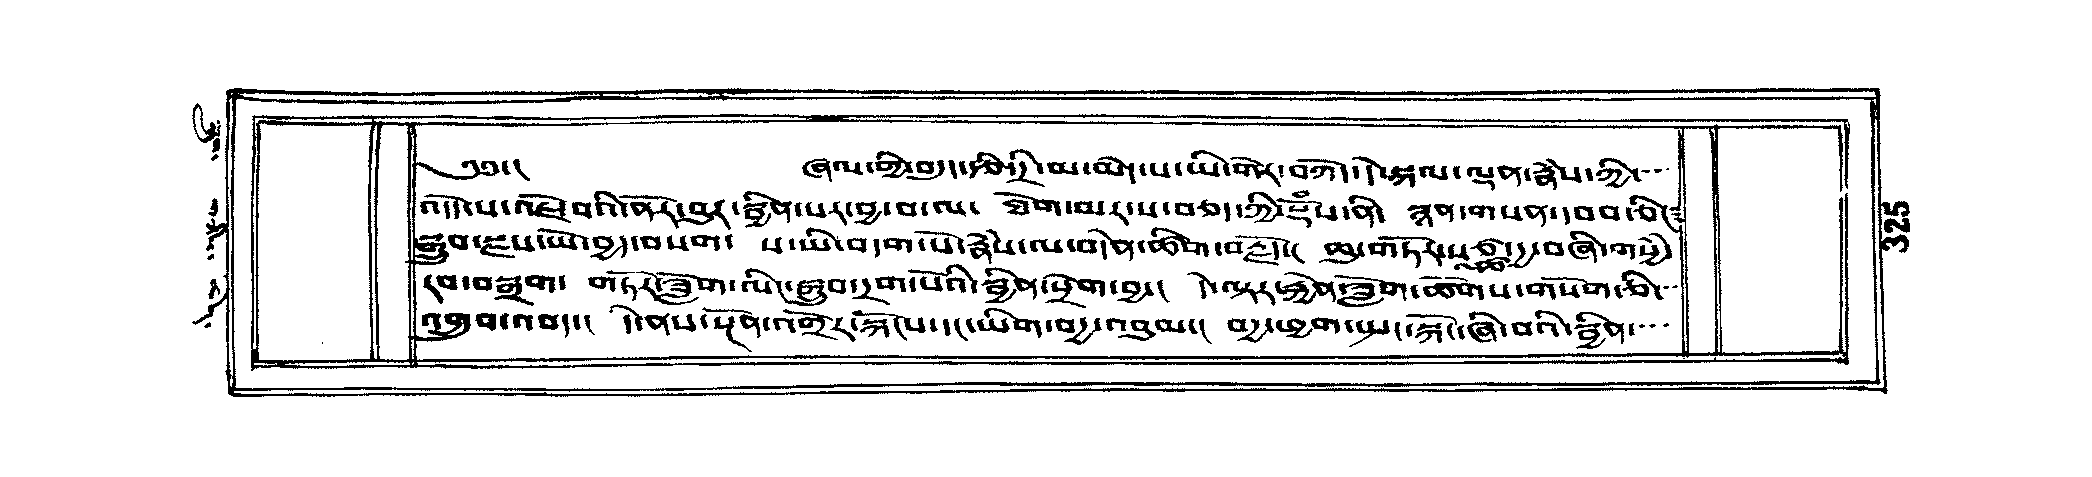ཞལ་གྱི་བདུད་རྩི་དྲི་མ་མེད་པ་ཡི་གེར་བཀོད་དེ་སྐལ་ལྡན་རྣམས་ཀྱི་
འདོད་པ་འཇོ་བའི་ནོར་བུར་སྦྱིན་པར་བྱ་བ་ལ། ཐོག་མར་ས་བཅད་ཀྱི་བསྡོམས་ནི། སྙན་གསན་དབབ་ཅིང་
སྒྲུབ་རྫས་ཡོ་བྱད་བསག་ས་ཡི་བདག་པོ་རྣམས་ལ་བདེན་ཚིག་བརྗོད། ཆུ་གཏོར་སཱཙྪ་རྒྱ་བཞི་གསུངས་
རབ་བསྒྲག་གཏོར་ཟློག་ལིང་སྒྲུབ་དྲག་པོའི་སྦྱིན་སྲེག་བྱ། དེ་ལྟར་རྐྱེན་ཟློག་ཚོགས་གསོག་ཅི་
འགྲུབ་འབད། དེ་ནས་སྔོན་འགྲོར་སྐོངས་དང་ཡིག་བརྒྱ་འབུལ། བརྒྱ་ཕྱག་སྤང་སྐོང་ཞི་བའི་སྦྱིན་